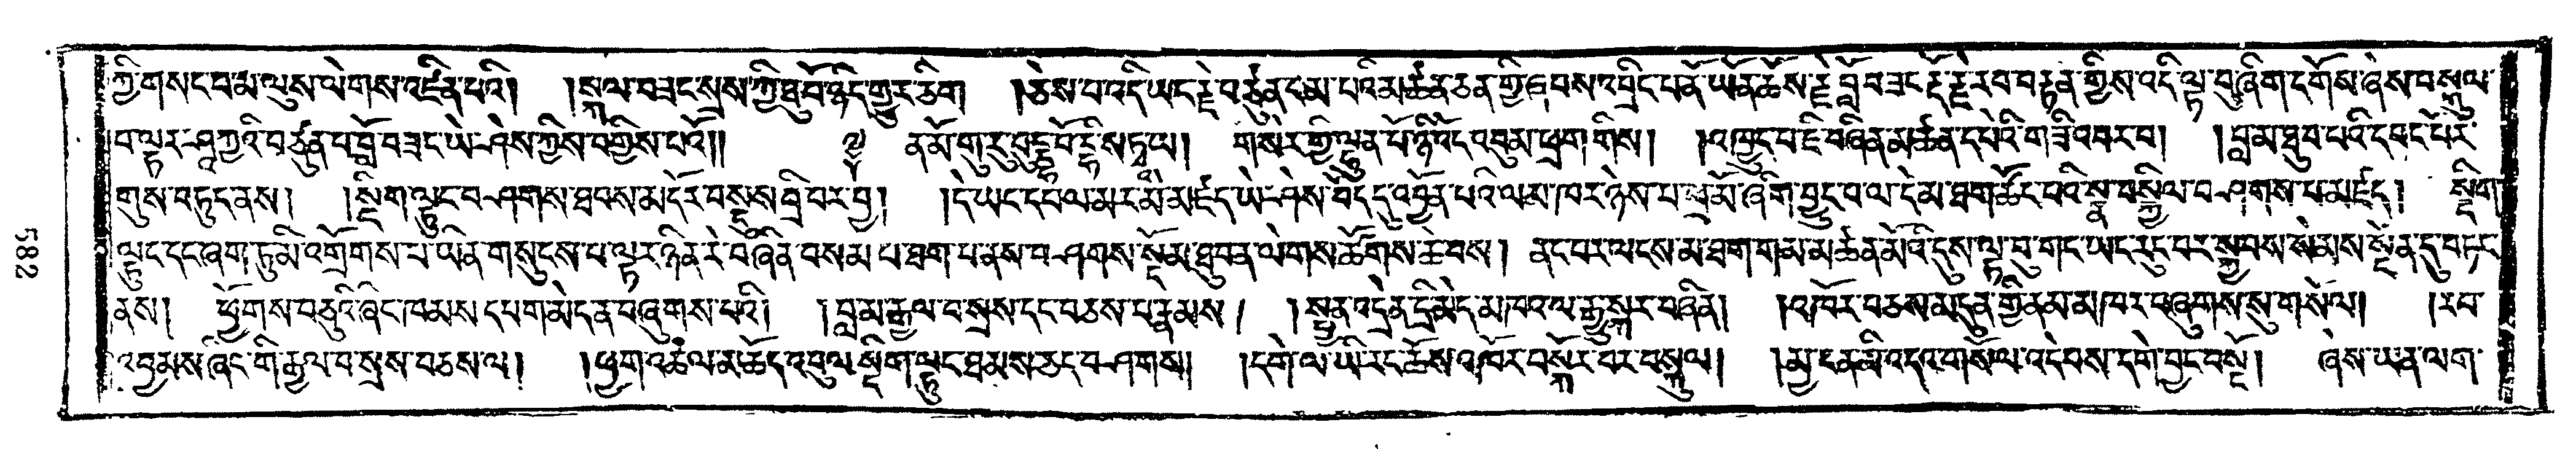ཀྱི་གསང་བ་མ་ལུས་ལེགས་འཛིན་པའི། །སྐལ་བཟང་སྲས་ཀྱི་ཐུ་བོ་ཉིད་གྱུར་ཅིག །ཅེས་པ་འདི་ཡང་རྗེ་བཙུན་དམ་པའི་མཚན་ཅན་གྱི་ཞབས་འབྲིང་བ་ནོ་ཡོན་ཆོས་རྗེ་བློ་བཟང་རྡོ་རྗེ་རབ་བརྟན་གྱིས་འདི་ལྟ་བུ་ཞིག་དགོས་ཞེས་བསྐུལ་
བ་ལྟར་ཤཱཀྱའི་བཙུན་པ་བློ་བཟང་ཡེ་ཤེས་ཀྱིས་བགྱིས་པའོ།། ༈ ན་མོ་གུ་རུ་བུདྡྷ་བོ་དྷི་སཏྭ་ཡ། གསེར་གྱི་ལྷུན་པོ་ཉི་འོད་འབུམ་ཕྲག་གིས། །འཁྱུད་པ་ཇི་བཞིན་མཚན་པའི་གཟི་འབར་བ། །བླ་མ་ཐུབ་པའི་དབང་པོར་
གུས་བཏུད་ནས། །སྡིག་ལྟུང་བཤགས་ཐབས་མདོར་བསྡུས་བྲི་བར་བྱ། །དེ་ཡང་དཔལ་མར་མེ་མཛད་ཡེ་ཤེས་བོད་དུ་འབྱོན་པའི་ལམ་ཁར་ཉེས་པ་ཕྲ་མོ་ཞིག་བྱུང་བ་ལ་དེ་མ་ཐག་ཚོང་པའི་སྣ་བསྐྱིལ་བཤགས་པ་མཛད། སྡིག་
ལྟུང་དང་ཞག་ཏུ་མི་འགྲོགས་པ་ཡིན་གསུངས་པ་ལྟར་ཉིན་རེ་བཞིན་བསམ་པ་ཐག་པ་ནས་བཤགས་སྡོམ་ཐུབ་ན་ལེགས་ཚོགས་ཆེ་བས། ནང་བར་ལངས་མ་ཐག་གམ་མཚན་མོའི་དུས་ལྟ་བུ་གང་ཡང་རུང་བར་སྐྱབས་སེམས་སྔོན་དུ་བཏང་
ནས། ཕྱོགས་བཅུའི་ཞིང་ཁམས་དཔག་མེད་ན་བཞུགས་པའི། །བླ་མ་རྒྱལ་བ་སྲས་དང་བཅས་པ་རྣམས། །སྤྱན་འདྲེན་དྲི་མེད་མཁའ་ལ་རྒྱུ་སྐར་བཞིན། །འཁོར་བཅས་མདུན་གྱི་ནམ་མཁར་བཞུགས་སུ་གསོལ། །རབ་
འབྱམས་ཞིང་གི་རྒྱལ་བ་སྲས་བཅས་ལ། །ཕྱག་འཚལ་མཆོད་འབུལ་སྡིག་ལྟུང་ཐམས་ཅད་བཤགས། །དགེ་ལ་ཡི་རང་ཆོས་འཁོར་བསྐོར་བར་བསྐུལ། །མྱ་ངན་མི་འདའ་གསོལ་འདེབས་དགེ་བྱང་བསྔོ། ཞེས་ཡན་ལག་